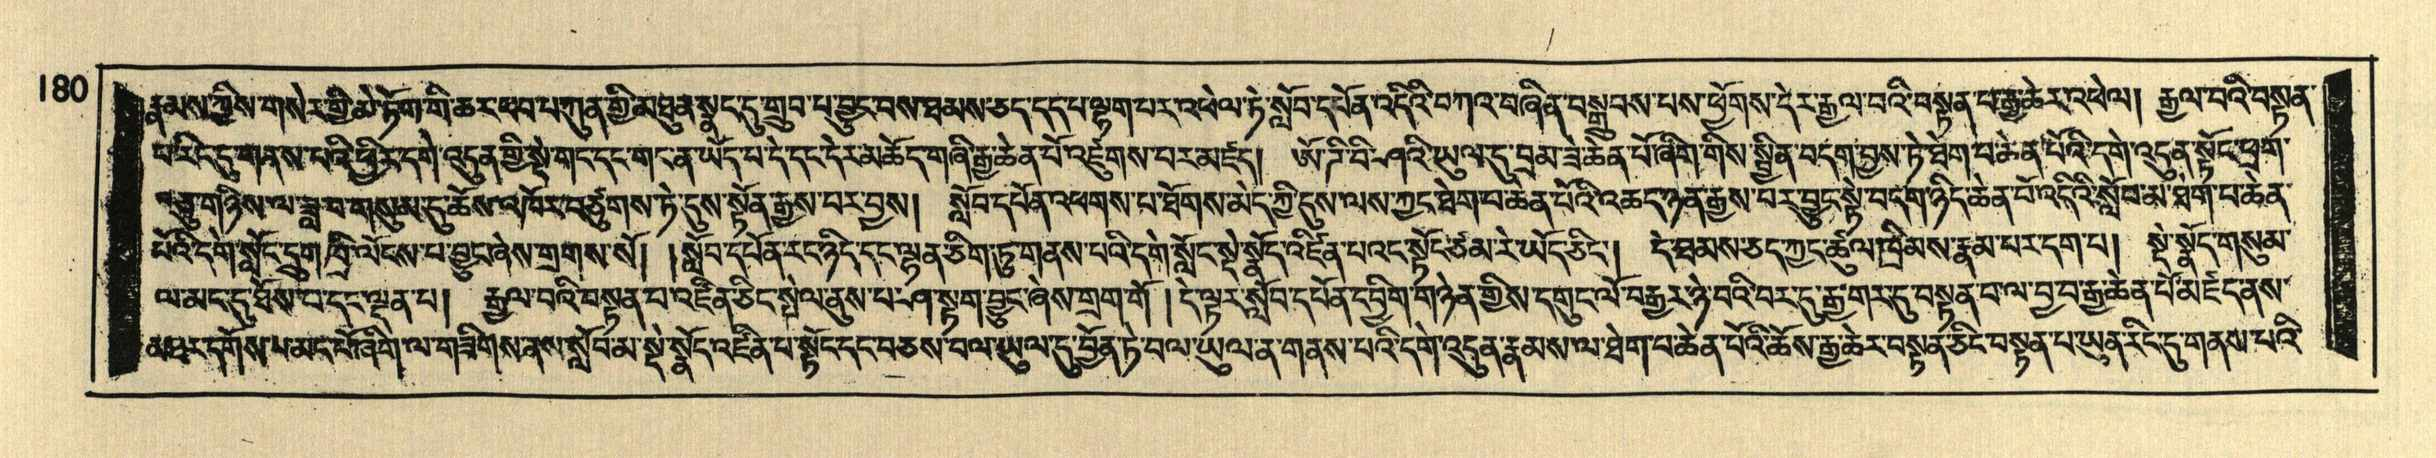རྣམས་ཀྱིས་གསེར་གྱི་མེ་ཏོག་གི་ཆར་ཕབ་པ་ཀུན་གྱི་མཐུན་སྣང་དུ་གྲུབ་པ་བྱུང་བས་ཐམས་ཅད་དད་པ་ལྷག་པར་འཕེལ་ཏེ་སློབ་དཔོན་འདིའི་བཀའ་བཞིན་བསྒྲུབས་པས་ཕྱོགས་དེར་རྒྱལ་བའི་བསྟན་པ་རྒྱ་ཆེར་འཕེལ། རྒྱལ་བའི་བསྟན་
པ་རིང་དུ་གནས་པའི་ཕྱིར་དགེ་འདུན་གྱི་སྡེ་གང་དང་གང་ན་ཡོད་པ་དེ་དང་དེར་མཆོད་གཞི་རྒྱ་ཆེན་པོ་འཛུགས་པར་མཛད། ཨོ་ཌི་བི་ཤའི་ཡུལ་དུ་བྲམ་ཟེ་ཆེན་པོ་ཞིག་གིས་སྦྱིན་བདག་བྱས་ཏེ་ཐེག་བ་ཆེན་པོའི་དགེ་འདུན་སྟོང་ཕྲག་
བཅུ་གཉིས་ལ་ཟླ་བ་གསུམ་དུ་ཆོས་འཁོར་བཙུགས་ཏེ་དུས་སྟོན་རྒྱས་པར་བྱས། སློབ་དཔོན་འཕགས་པ་ཐོགས་མེད་ཀྱི་དུས་ལས་ཀྱང་ཐེག་པ་ཆེན་པོའི་འཆང་ཉན་རྒྱས་བར་བྱུང་སྟེ་བདག་ཉིད་ཆེན་པོ་འདིའི་སློབ་མ་ཐེག་པ་ཆེན་
པོའི་དགེ་སློང་དྲུག་ཁྲི་ལོངས་པ་བྱུང་ཞེས་གྲགས་སོ། །སློབ་དཔོན་རང་ཉིད་དང་ལྷན་ཅིག་ཏུ་གནས་པའི་དགེ་སློང་སྡེ་སྣོད་འཛིན་པའང་སྟོང་ཙམ་རེ་ཡོད་ཅིང་། དེ་ཐམས་ཅད་ཀྱང་ཚུལ་ཁྲིམས་རྣམ་པར་དག་པ། སྡེ་སྣོད་གསུམ་
ལ་མང་དུ་ཐོས་བ་དང་ལྡན་པ། རྒྱལ་བའི་བསྟན་བ་འཛིན་ཅིང་སྤེལ་ནུས་པ་ཤ་སྟག་བྱུང་ཞེས་གྲག་གོ །དེ་ལྟར་སློབ་དཔོན་དབྱིག་གཉེན་གྱིས་དགུང་ལོ་བརྒྱར་ཉེ་བའི་བར་དུ་རྒྱ་གར་དུ་བསྟན་པ་ལ་བྱ་བ་རྒྱ་ཆེན་པོ་མཛད་ནས་
མཐར་དགོས་པ་མང་པོ་ཞིག་ལ་གཟིགས་ནས་སློབ་མ་སྡེ་སྣོད་འཛིན་པ་སྟོང་དང་བཅས་བལ་ཡུལ་དུ་བྱོན་ཏེ་བལ་ཡུལ་ན་གནས་པའི་དགེ་འདུན་རྣམས་ལ་ཐེག་པ་ཆེན་པོའི་ཆོས་རྒྱ་ཆེར་བསྟན་ཅིང་བསྟན་པ་ཡུན་རིང་དུ་གནས་པའི་